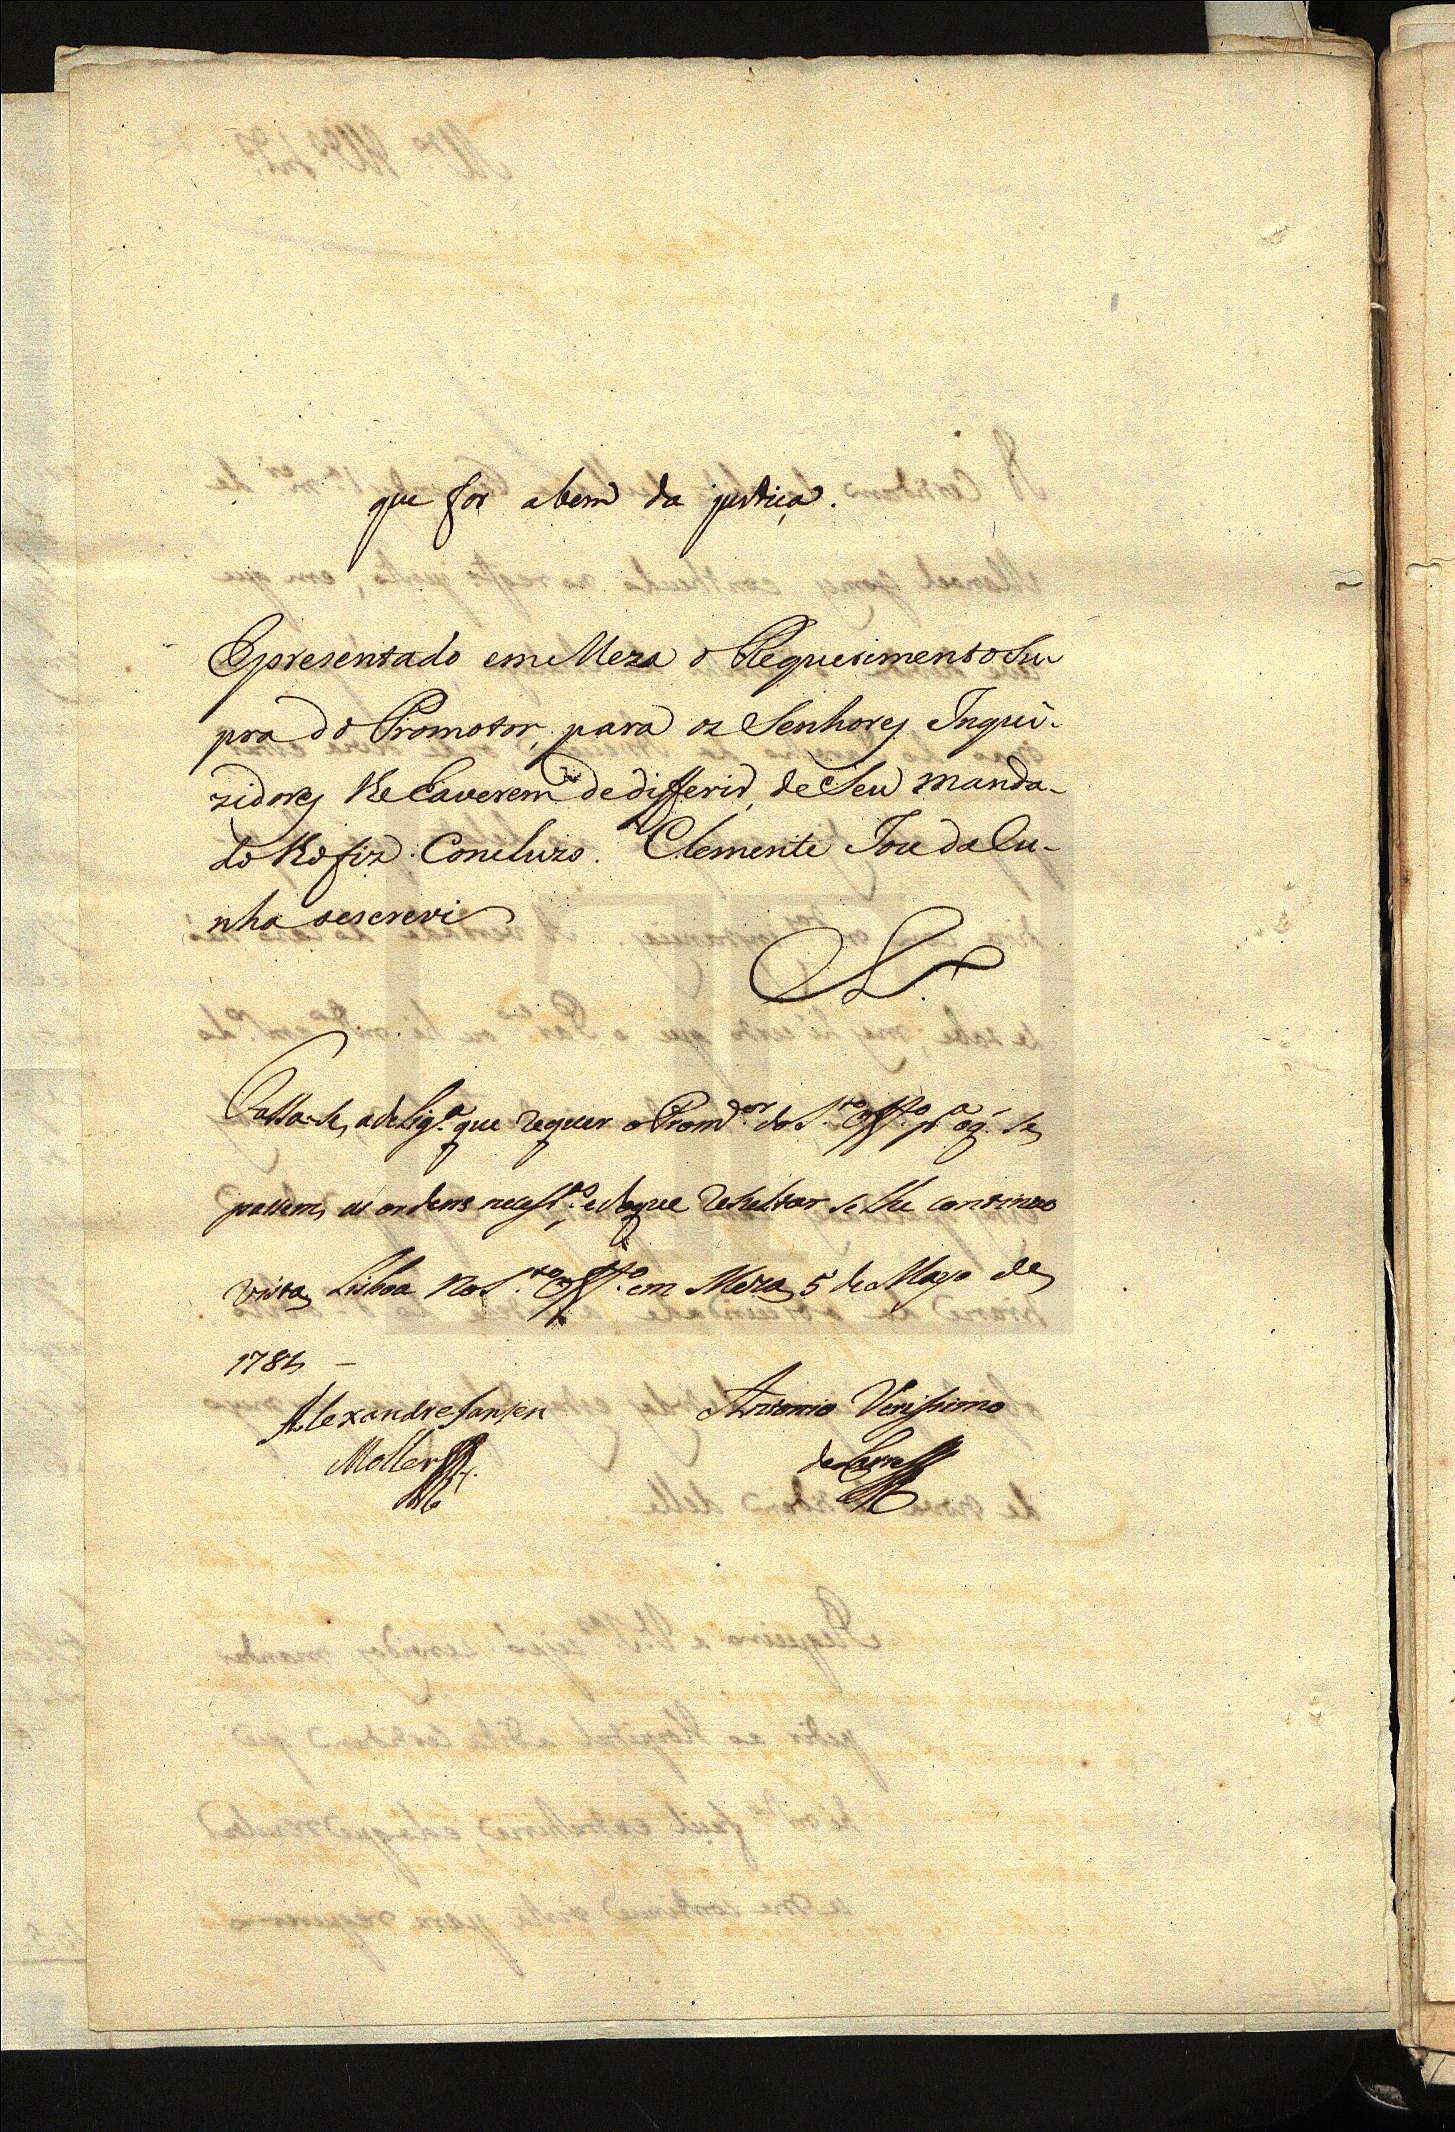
que for a bem da justiça.
E presentado em Meza o Requerimento Su
pra do Promotor, para os Senhores Inqui
zidores lhe haverem de differir, de Seu manda
do lho fiz Concluzo. Clemente Ioze da Cu
nha o escrevi
Passa-se, a delig.a que requer o Prom.or do S.to Off.o p.a o q̄ se
passem as ordens necess.as; e do que Resultar se lhe continue
vista Lisboa no S.to Off.o em Meza 5 de Mayo de
1784
Antonio Verissimo
de Carre
Alexandre Jansen
Moller
